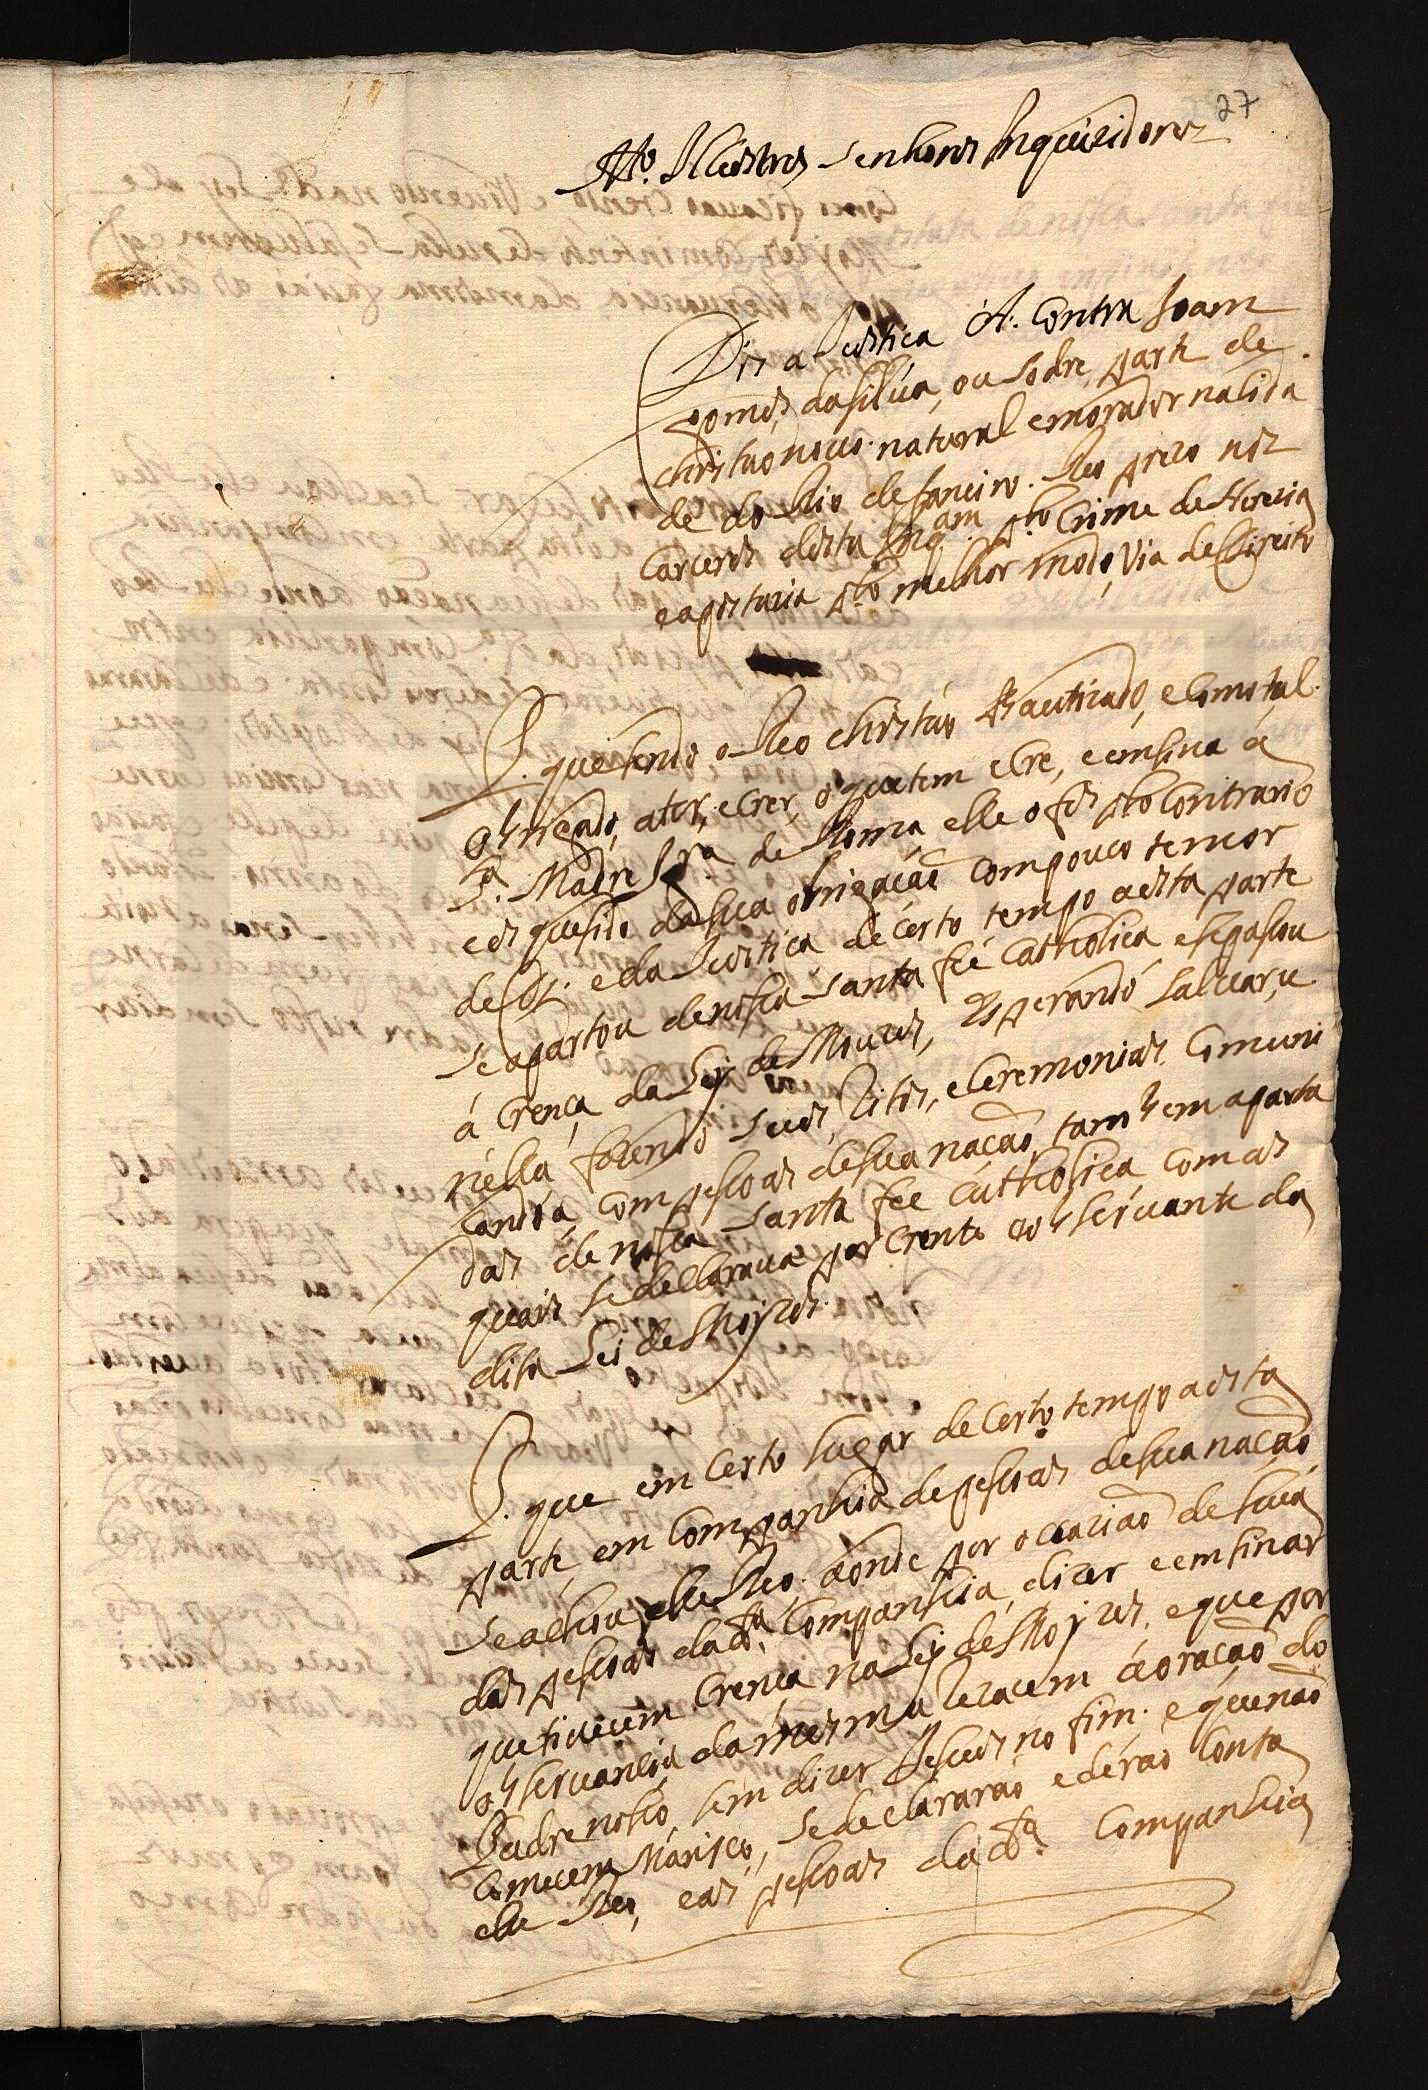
M.o Illustres Senhores Inquizidores
Dis a Iustiça A. Contra Joam
gomes da Silua, ou Sodre, parte de
christao nouo. natural e morador na Cida
de do Rio de Janeiro. Reo prezo nos
Carceres desta Inq.am p.lo Crime de Herezia
e apostazia p.lo melhor modo, Via de Direito
P. que tendo o Reo christão Bautizado, e Como tal.
obrigado, a ter, e crer, o que tem e Cre, e emsina á
S.ta Madre Ig.ra de Roma, elle o fes p.lo Contrario
e esquesido da sua obrigaçaõ com pouco temor
de Ds. e da Iustiça de certo tempo a esta parte
se apartou de nossa santa feé catholica, e se passou
á crença da Ley de Mouzes, Esperando saluarçe
nella fazendo seus, Ritos, e Ceremonias. Comuni
candoa, com pessoas de sua nação, tambem aparta
das de nossa Santa fee catholica, com as
quais se declaraua por crente e obseruante da
dita Lei de Moyzes.
P. que em certo Lugar de certo tempo a esta
parte, em Companhia de pessoas de sua nação
se achou elle Reo; aonde por occaziaõ de huā
das pessoas da d.a Companhia, dizer e emsinar
que tiuecem Crença na Ley de Moyzes, e que por
obseruançia da mesma Rezacem á oraçaõ do
Padre nosso, sem dizer Iesus no fim; e que não
comecem Marisco, se declararaõ e derao conta
elle Reo, e as pessoas da d.a Companhia
